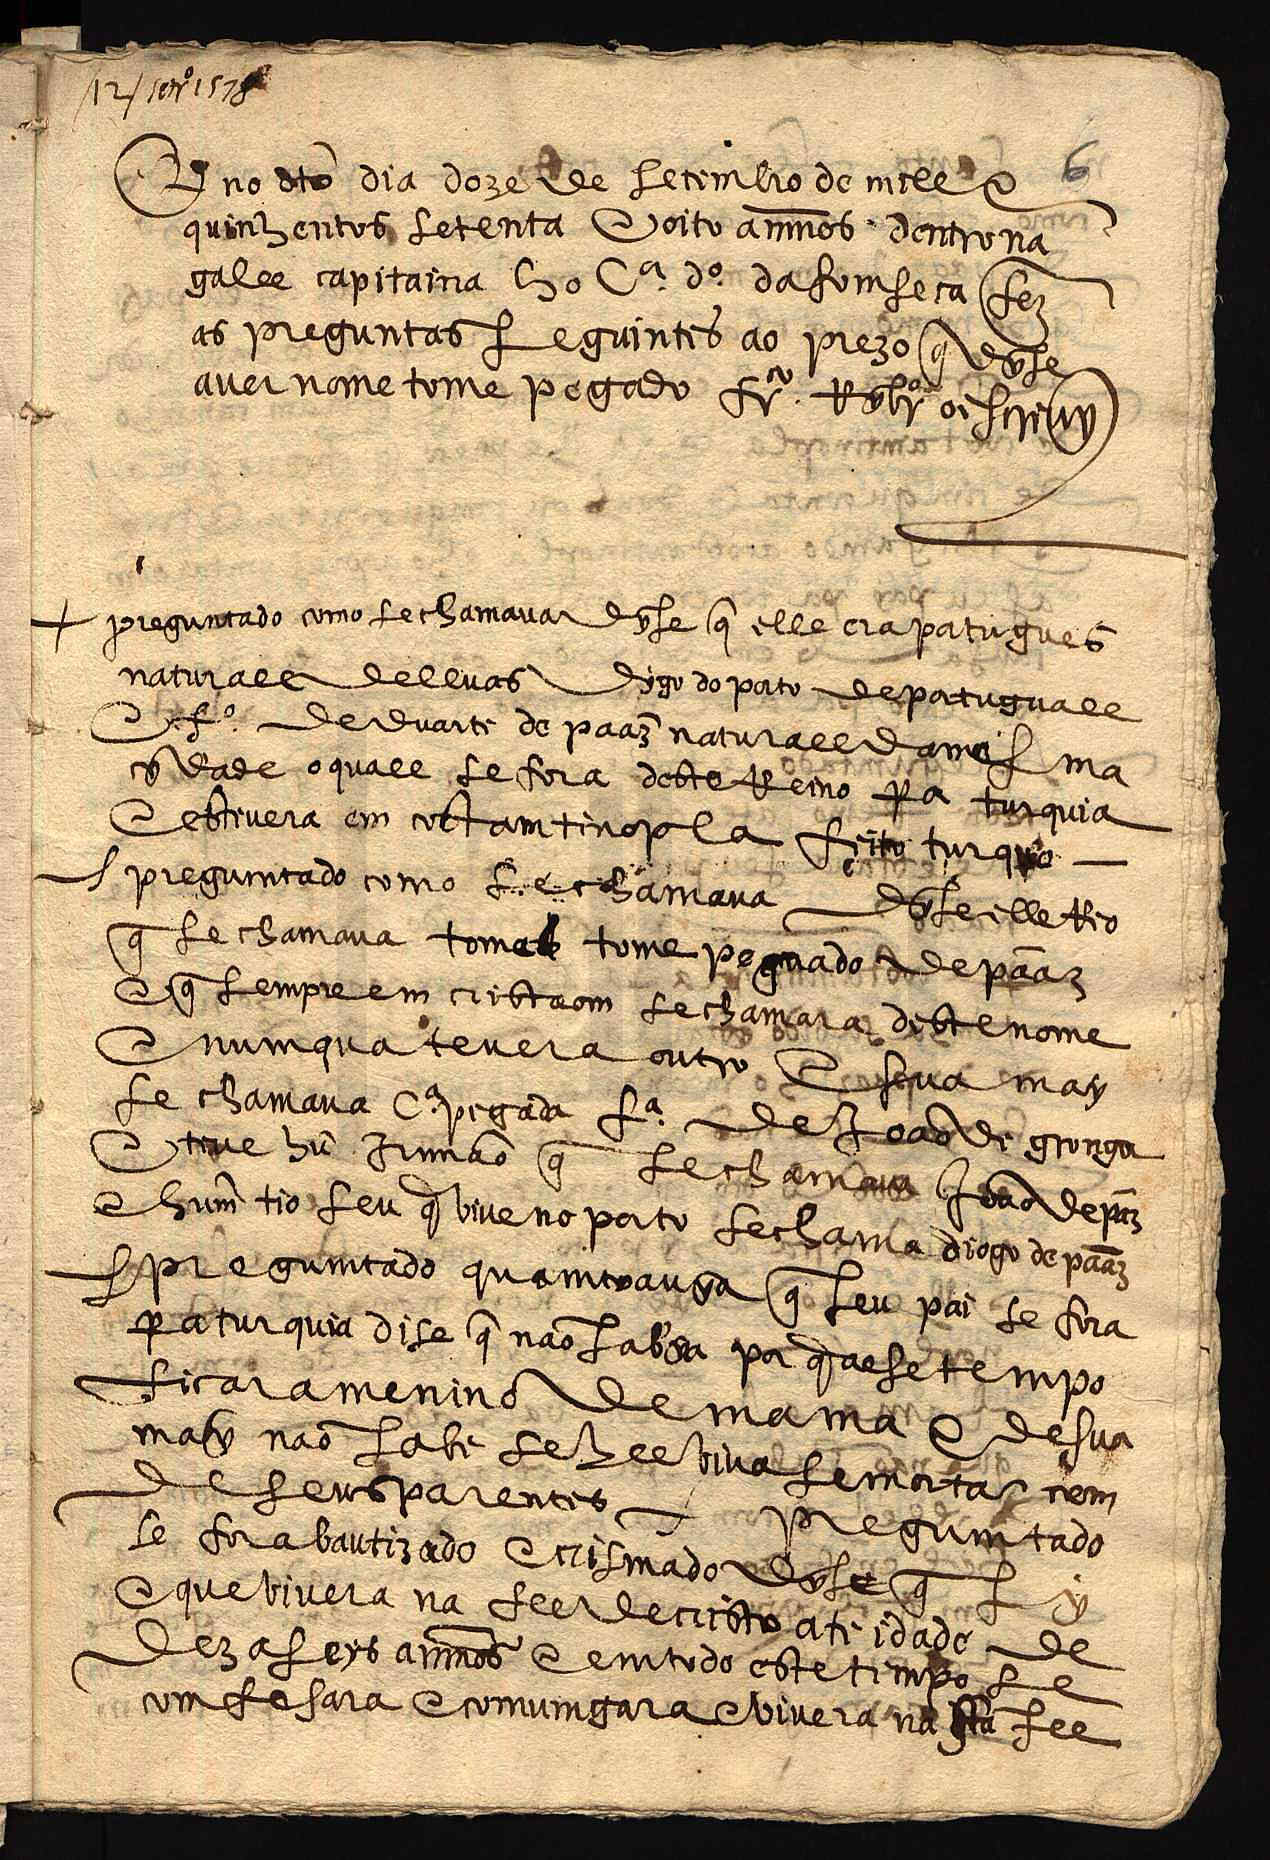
E no dtō dia doze de setembro de mill e
quinhentos setenta e oito an̄nos dentro na
galee capitaina ho Cor. do. da fomseca fez
as preguntas seguintes ao prezo q̄ dyse
auer nome tome pegado frco. Rybro o escreuy
+ preguntado como se chamaua dyse q̄ elle era portugues
naturall delluas dygo do porto de portuguall
e fo. de duarte de paaz̄ naturall da mesma
cydade o quall se fora deste Reino ꝑa turquia
e estiuera em costamtinopla feito turquo
+ pregumtado como se e chamaua dyse elle Reo
q̄ se chamaua tomas tome peguado de pāaz
e q̄ sempre em cristaom se chamara deste nome
e numqua teuera outro e sua may
se chamaua Ca. pegada fa. de Joaõ de gronga
e teue hū Jrmão q̄ se chamaua João de pāz
e hum̄ tio seu q̄ viue no porto se chama diogo de pāaz
+ pregumtado quamto auya q̄ seu pai se fora
ꝑa turquia dise q̅ naõ sabya porq̄ a ese tempo
ficara menino de mama e de sua
may naõ sabe se hee viua se morta nem
de seus parentes + pregumtado
se fora bautizado e crismado dyse q̄ sy
e que viuera na fee de cristo ate idade de
dezaseys ann̄os e em todo este tempo se
comfesara e comumgara e viuera na sta fee
